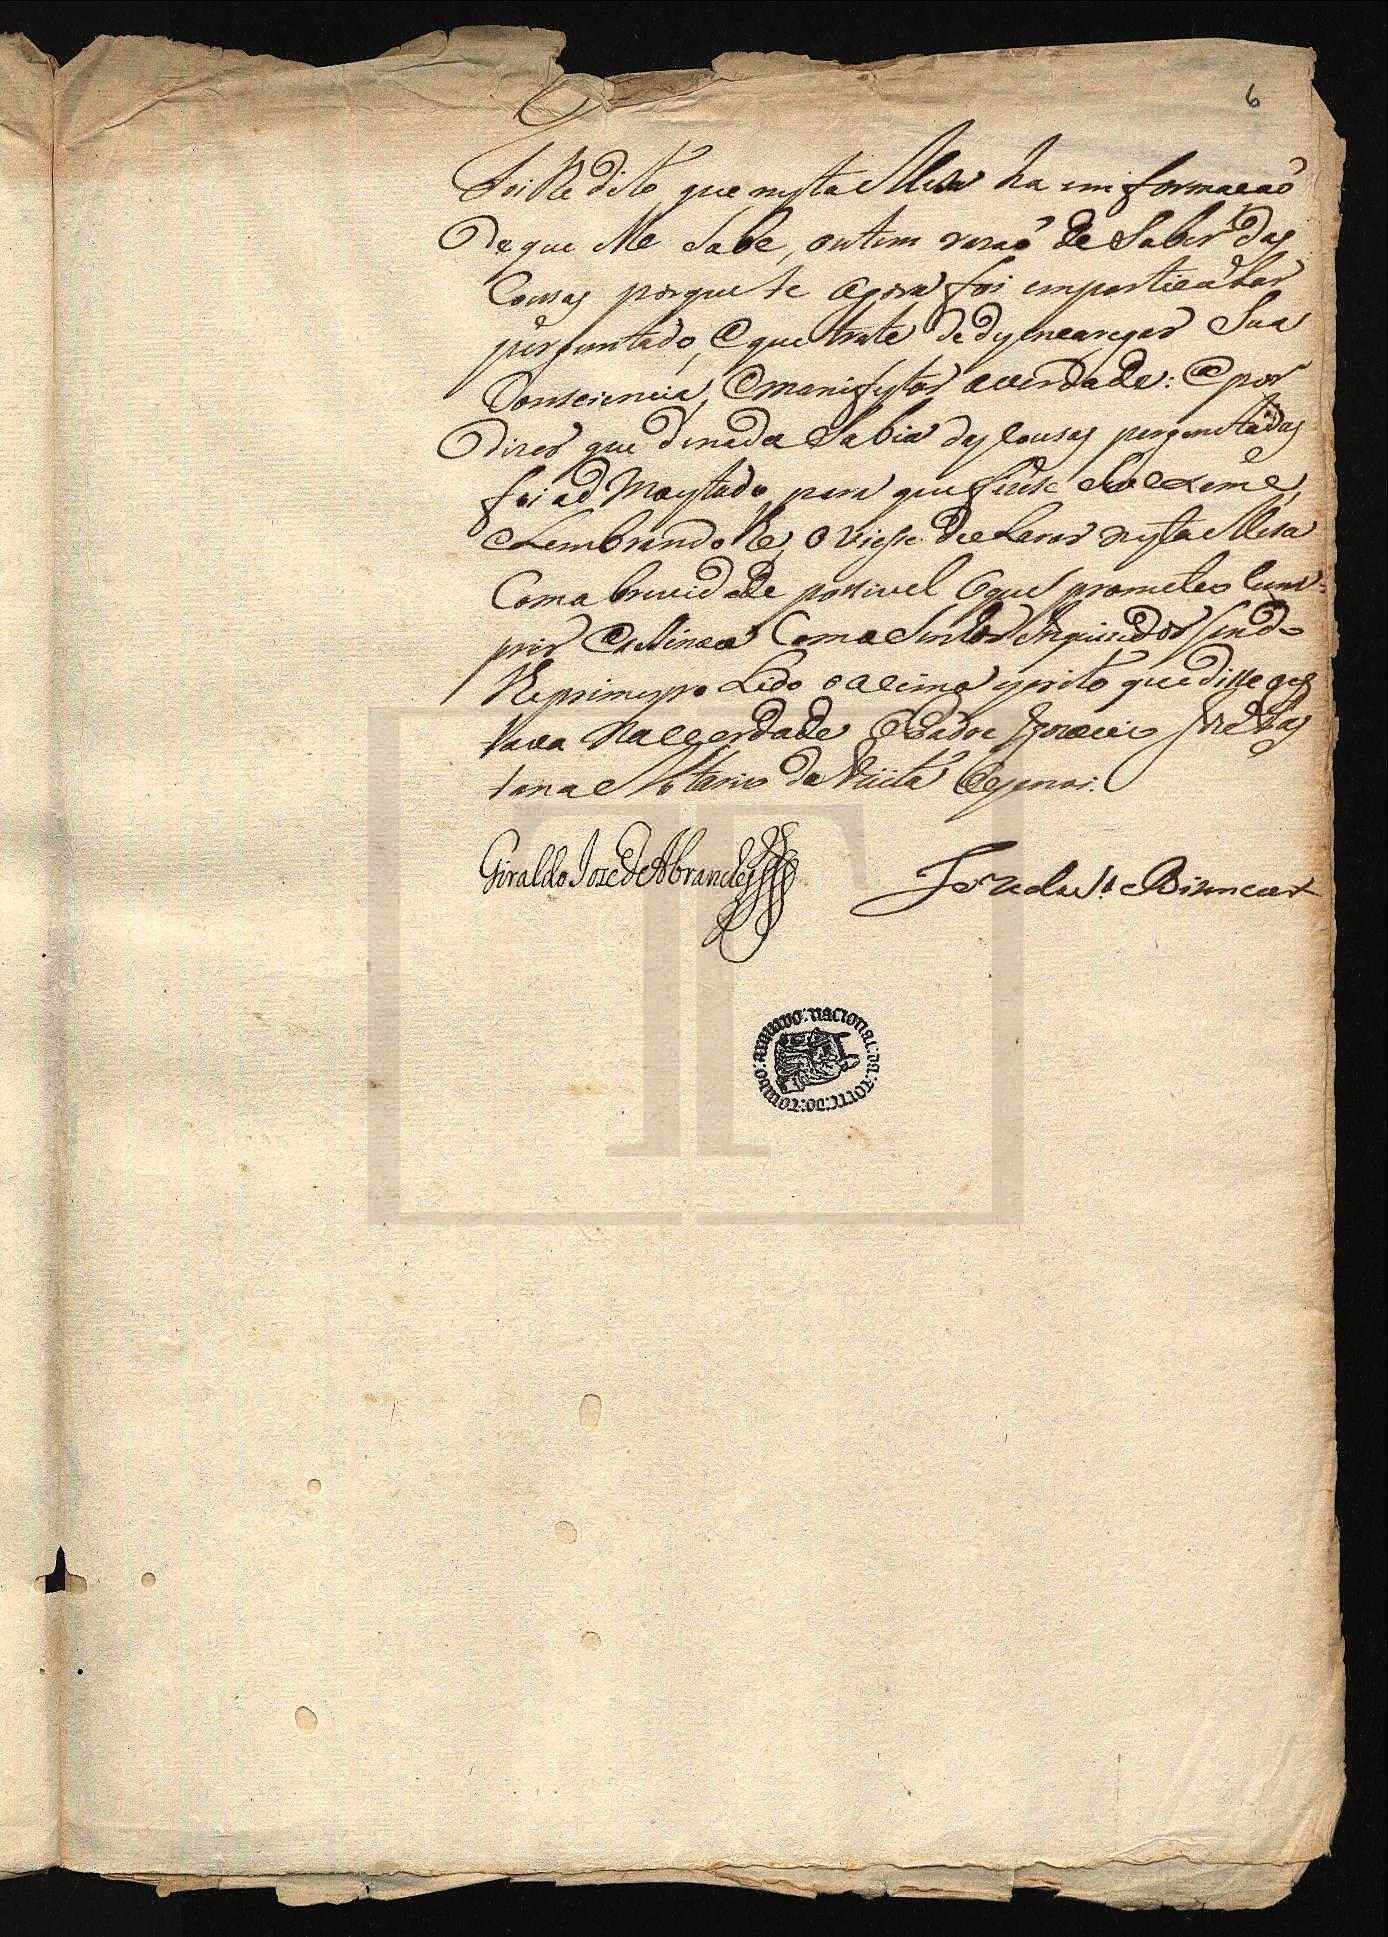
Foilhe dito, que nesta Mesa ha imformaçaõ
de que elle Sabe, ou tem razaõ de Saber das
Cousas porque te agora foi em particaLar
perguntado, E que trate de desencaregar Sua
Consciencia, E manifestar a verdade: E por
dizer que de nada Sabia das cousas perguntadas
foi admoestado para que fizese Seu exame
e Lembrandolhe, o viesse decLarar nesta Mesa
Com a brevidade possivel O que prometeo Cum
prir E asinou Com o Senhor Inquisidor sendo
lhe primeyro Lido o acima escrito que disse o es
tava na verdade o Padre Inacio Joze Vas
lara Notario da Visita o escrevi.
Giraldo Ioze de Abranches
Joze da S.a Bitencort
